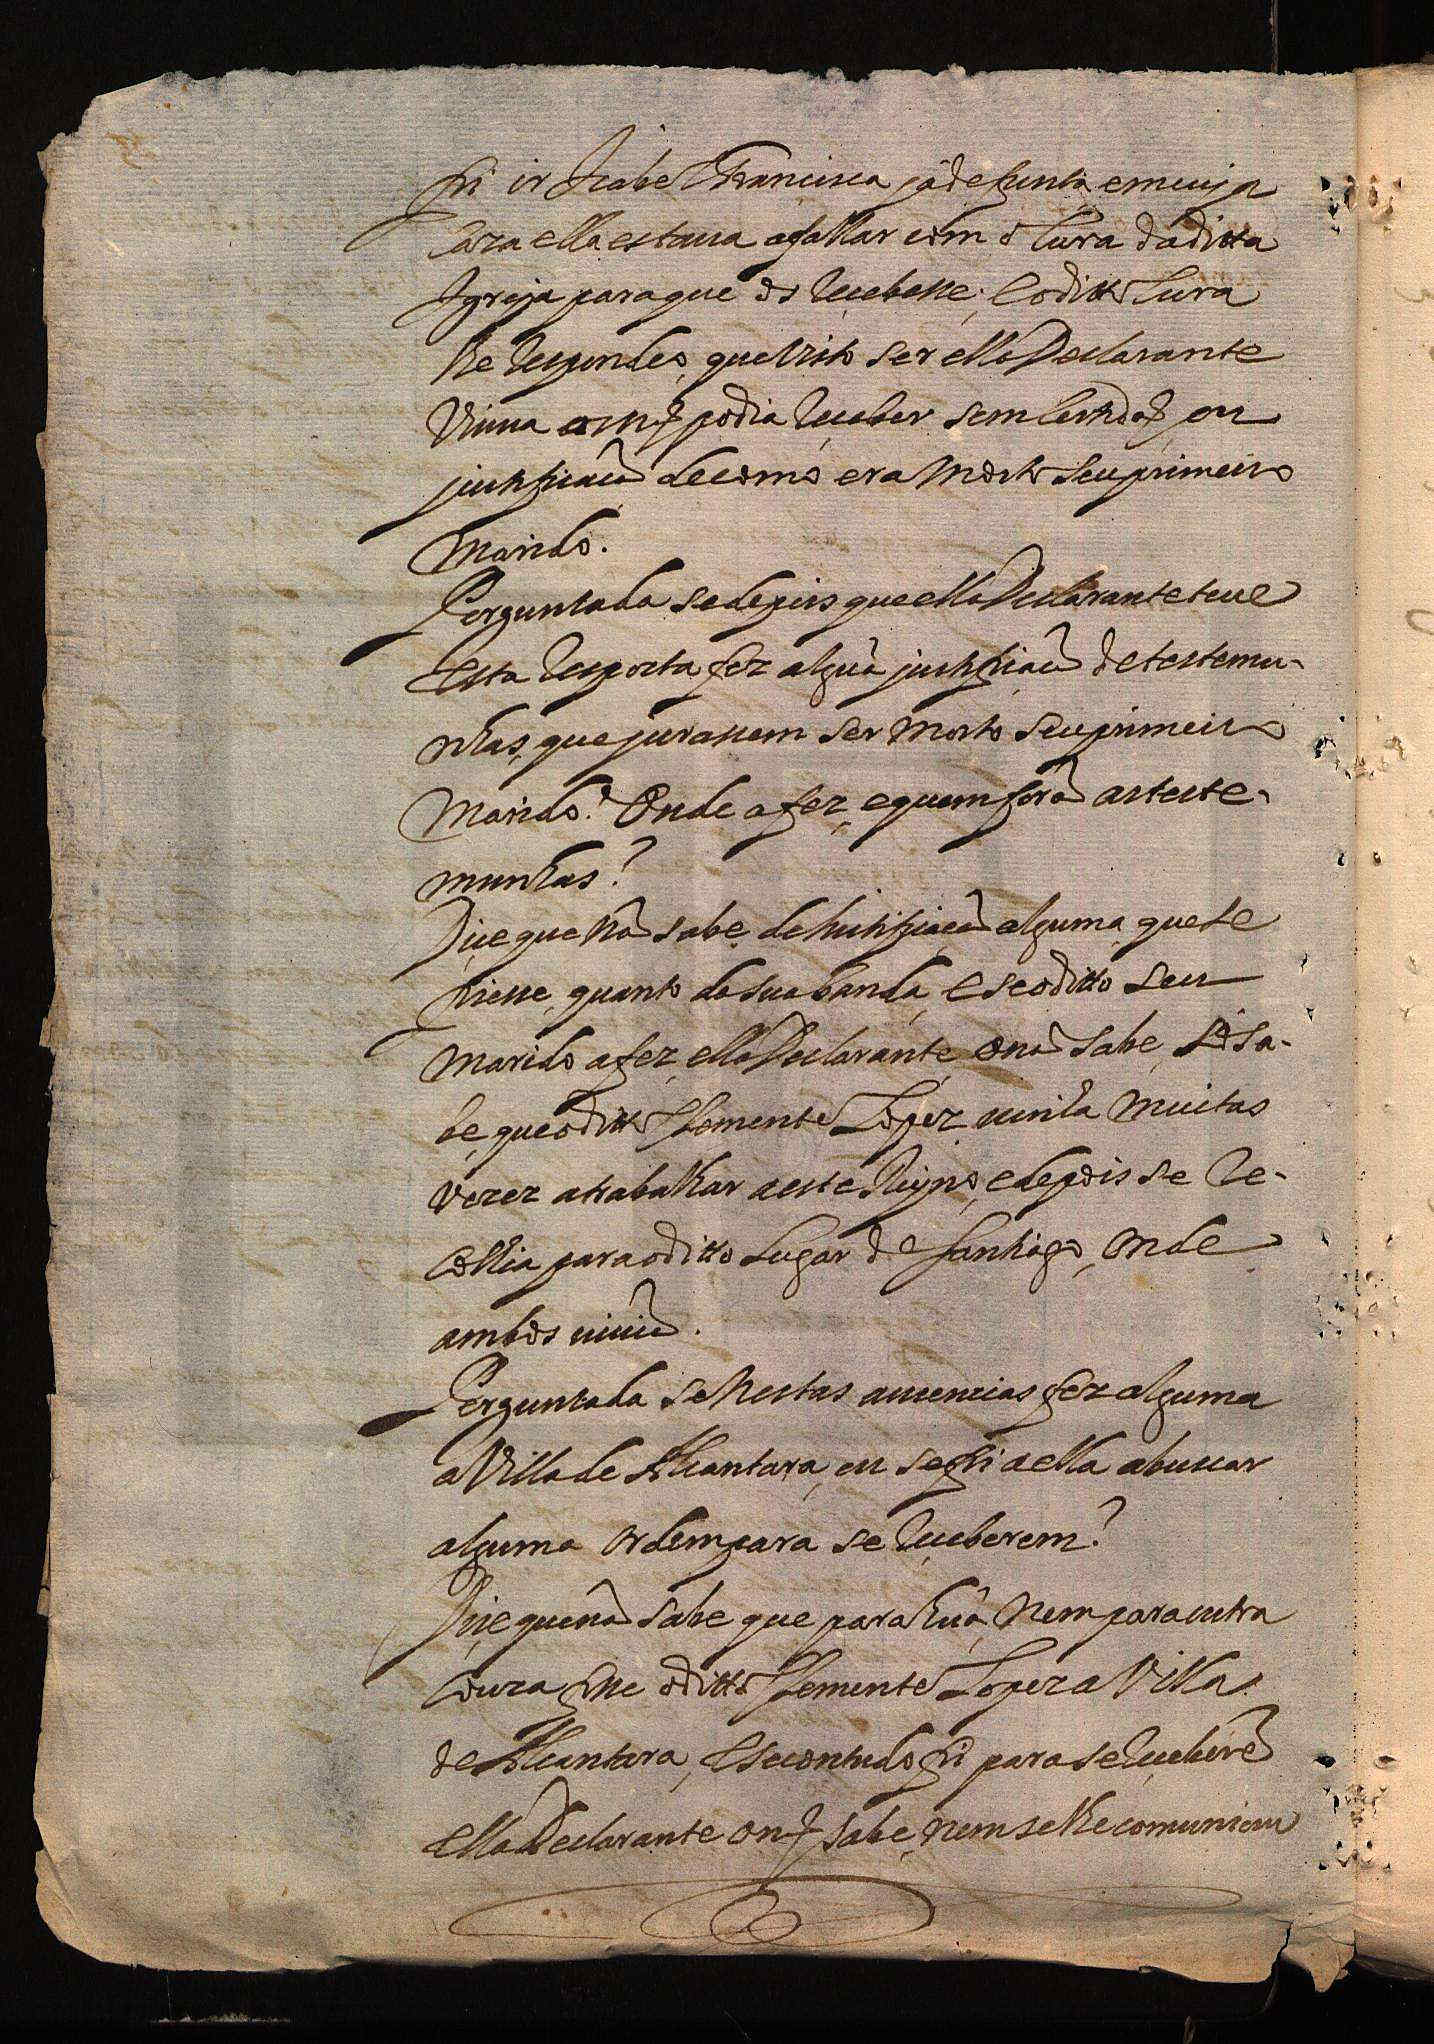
foi ir Izabel Françisca ja defunta, em cuja
Caza ella estaua a fallar com o Cura da ditta
Jgreja para que os Reçebesse; E o ditto Cura
lhe Respondeo, que visto ser ella Declarante
Viuua os naõ podia Reçeber sem Certidaõ, ou
justificaçaõ de como era morto seu primeiro
marido.
Perguntada se depois que ella Declarante teue
esta resposta fez alguā justificaçaõ de testemu
nhas, que jurassem ser morto seu primeiro
marido? Onde a fez, e quem foraõ as teste
munhas?
Diçe que naõ sabe de Iustificaçaõ alguma, que se
fizesse, quanto da sua banda, e se o ditto seu
marido a fez, ella Declarante, o naõ sabe, só sa
be, que o ditto Clemente Lopez uinha muitas
vezez a trabalhar a este Reyno, e depois se Re
colhia para o ditto Lugar de Santiago, onde
ambos uiuiaõ.
Perguntada se nestas ausencias fez alguma
a Villa de Alcantara, ou se foi a ella a buscar
alguma ordem para se Reçeberem?
Diçe que naõ sabe que para huā, nem para outra
couza fosse o ditto Clemente Lopez a Villa
de Alcantara, E se contudo foi para se Reçeberē
ella Declarante o nõ sabe, nem se lhe comunicou
